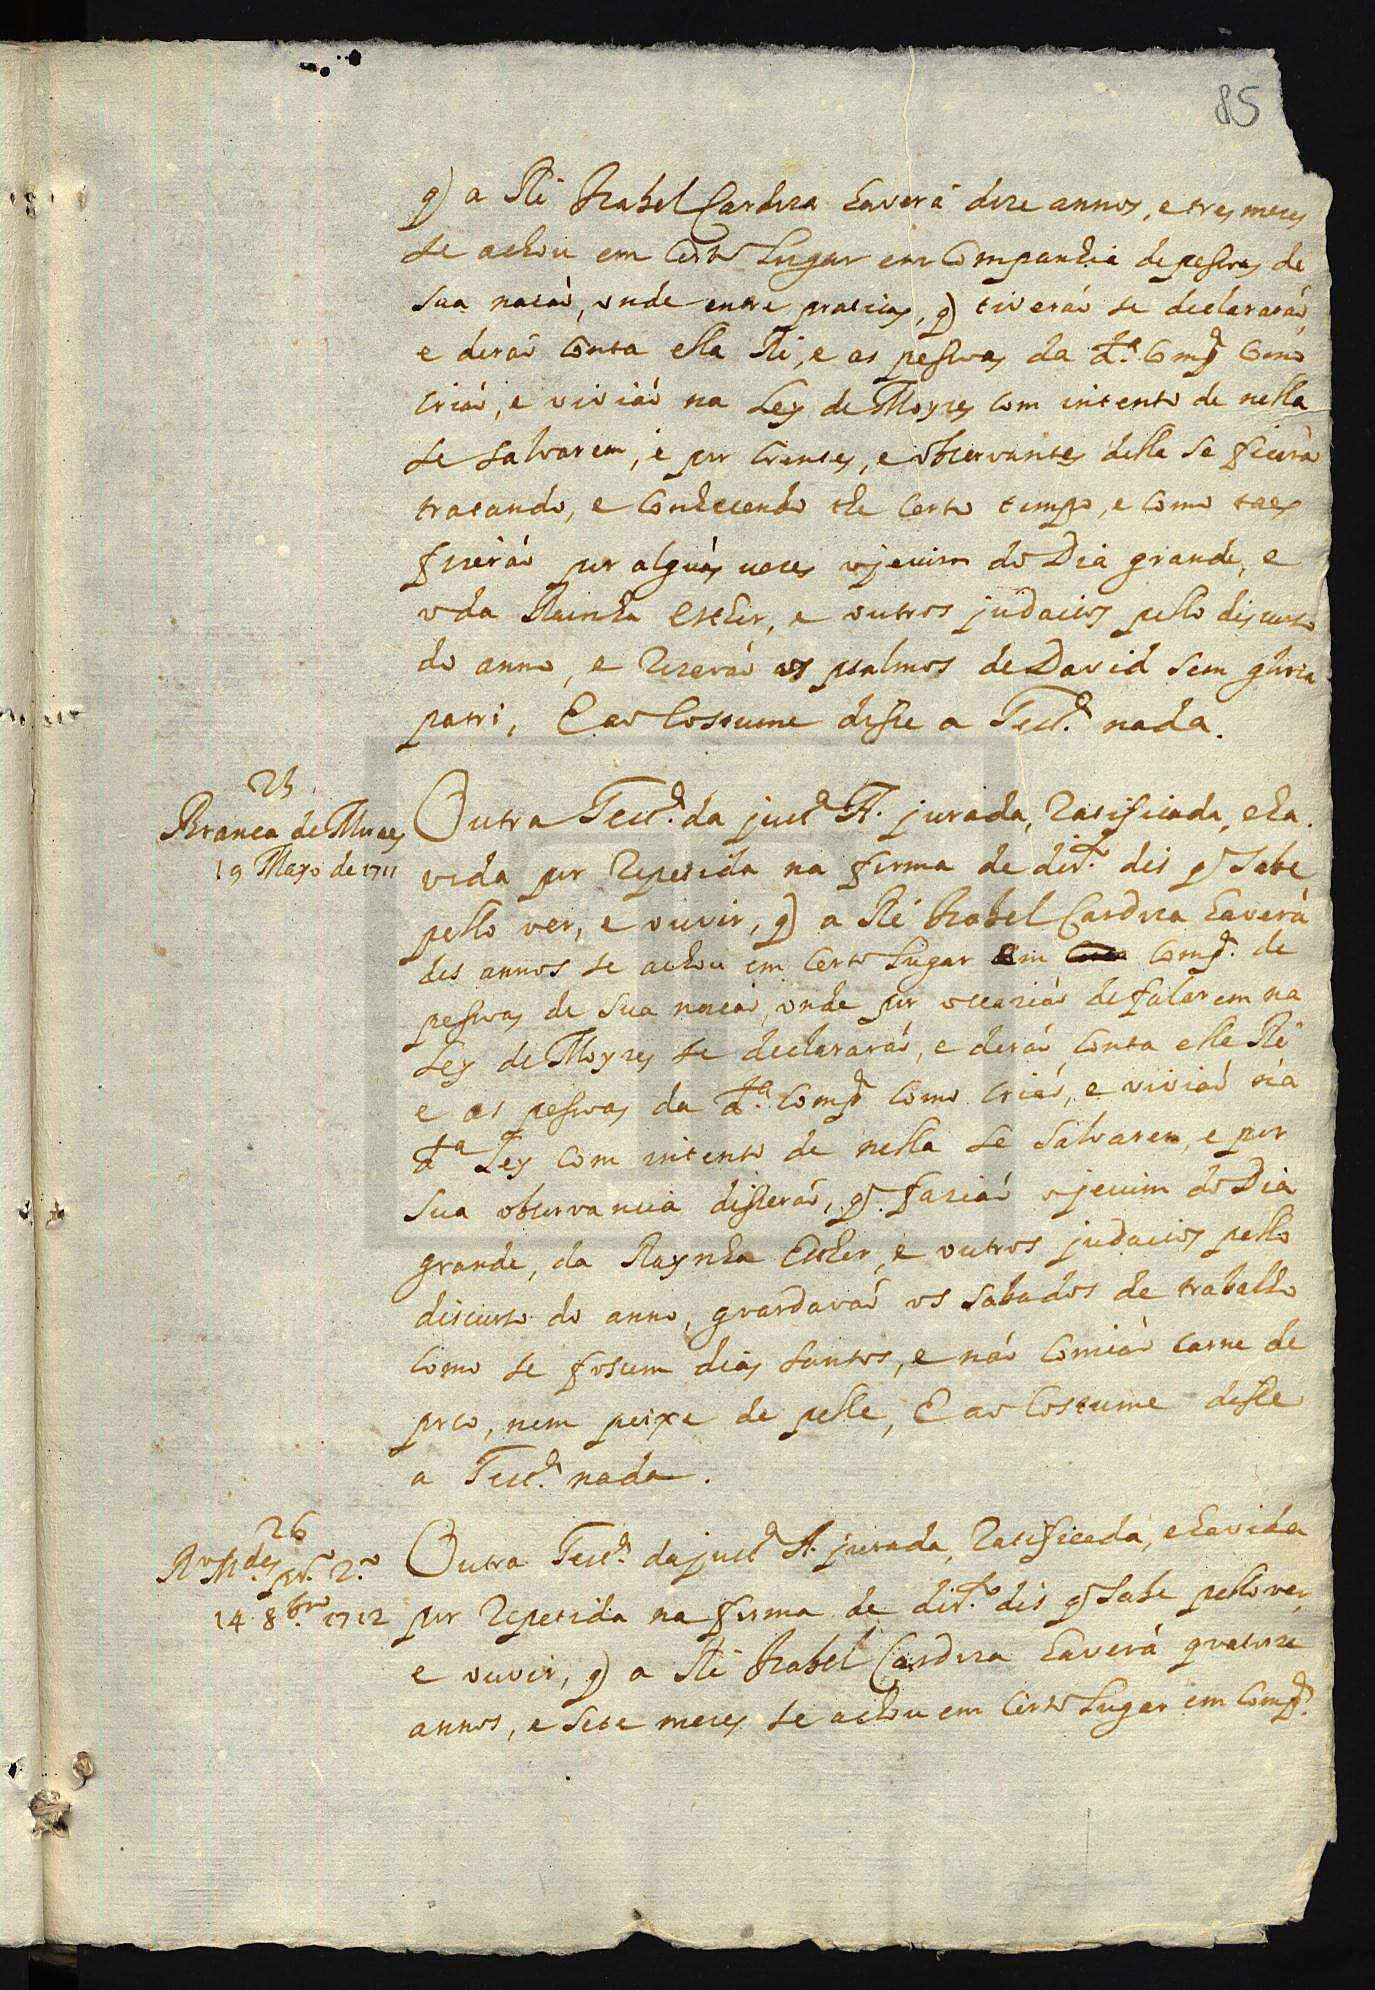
q̄ a Ré Izabel Cardoza haverá doze annos, e tres meses
se achou em certo Lugar em companhia de pessoas de
sua naçaõ, onde entre praticas, q̄ tiveraõ se declararaõ,
e deraõ conta ella Ré, e as pessoas da d̄a compa como
criaõ, e viviaõ na Ley de Moyzes com intento de nella
se salvarem, e por Crentes, e observantes della se ficaraõ
tratando, e conhecendo the certo tempo, e como taes
fizeraõ per alguās uezes o jeium do Dia grande, e
o da Rainha Esther, e outros judaicos pello discurso
do anno, e Rezeraõ os psalmos de David sem gloria
patri, E ao costume disse a Test.a nada.
23.
Branca de Moraes
19 Mayo de 1711
Outra Test.a da justa A. jurada, Ratificada, e ha
vida por Repetida na forma de dir.to dis q̄ sabe
pello ver, e ouvir, q̄ a Ré Izabel Cardoza haverá
des annos se achou em certo Lugar em _ comp.a de
pessoas de sua naçaõ, onde por occaziaõ de falarem na
Ley de Moyzes se declararaõ, e deraõ Conta ella Ré
e as pessoas da d̄a compa como criaõ, e viviaõ na
d̄a Ley com intento de nella se salvarem, e per
sua observancia disseraõ, q̄ faziaõ o jeium do Dia
grande, da Raynha Esther, e outros judaicos pello
discurso do anno, guardavaõ os sabados de trabalho
como se fossem dias santos, e não comiaõ carne de
prco, nem peixe de pelle, E ao costume disse
a Test.a nada.
26
Ro M.des pr.o 2.o
14 8.bro 1712
Outra Test.a da justa A. jurada, Ratificada, e havida
per repetida na forma de dir.to dis q̄ sabe pello ver,
e ouvir, q̄ a Ré Izabel Cardoza haverá quatorze
annos, e sete mezes se achou em certo Lugar em comp.a
